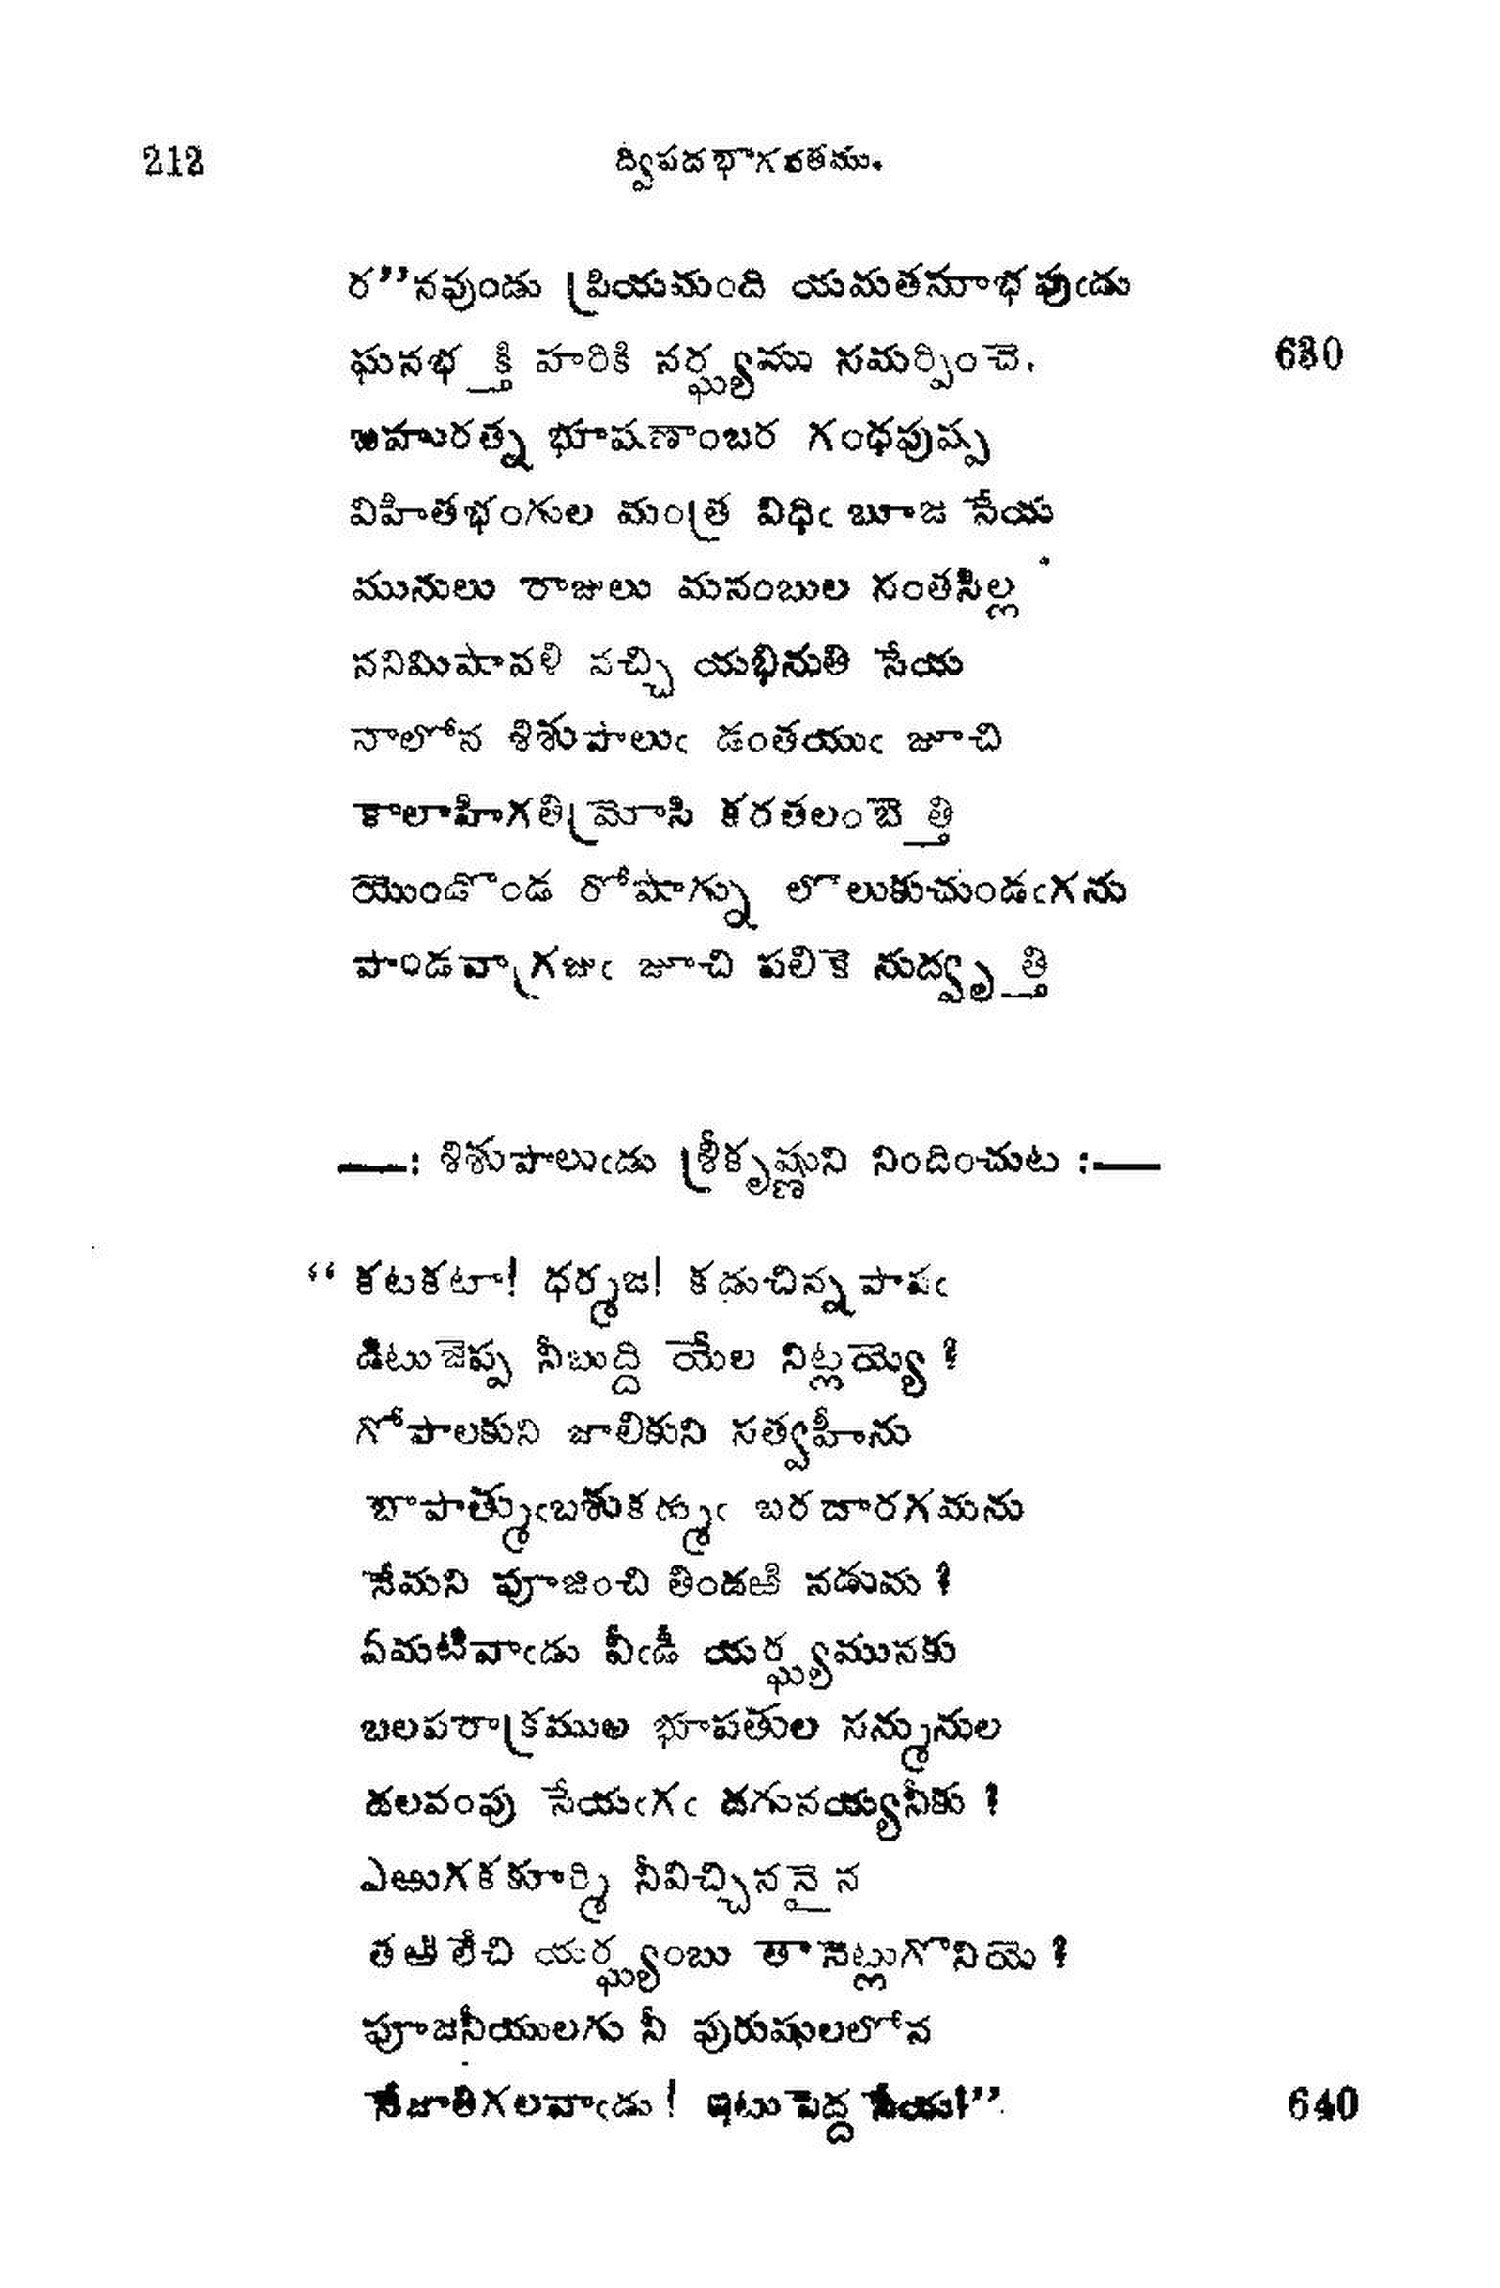రనవుండు ప్రియమంది యమతనూభవుఁడు
ఘనభక్తి హరికి నర్ఘ్యము సమర్పించె.
బహురత్న భూషణాంబర గంధపుష్ప
విహితభంగుల మంత్ర విధిఁ బూజ సేయ
మునులు రాజులు మనంబుల సంతసిల్ల
ననిమిషావళి వచ్చి యభినుతి సేయ
నాలోన శిశుపాలుఁ డంతయుఁ జూచి 
కాలాహిగతి మ్రోసి కరతలంబెత్తి
యొండొండ రోషాగ్ను లొలుకుచుండఁగను 
పాండవాగ్రజు జూచి పలికె నుద్వృత్తి

“కటకటా! ధర్మజ! కడుచిన్నపాపఁ
డిటుజెప్ప నీబుద్ధి యేల నిట్లయ్యె? 
గోపాలకుని జాలికుని సత్వహీను 
బాపాత్ముఁ బశుకర్ముఁ బరదారగమను
నేమని పూజించి తిందఱి నడుమ? 
ఏమటివాఁడు వీఁడీ యర్ఘ్యమునకు
బలపరాక్రముల భూపతుల సన్మునుల
దలవంపు సేయఁగఁ దగునయ్య నీకు? 
ఎఱుగక కూర్మి నీవిచ్చిననైన
తఱిలేచి యర్ఘ్యంబు తానెట్లుగొనియె? 
పూజనీయులగు నీ పురుషులలోన
నేజాతిగలవాఁడు! ఇటుపెద్ద సేయ?”